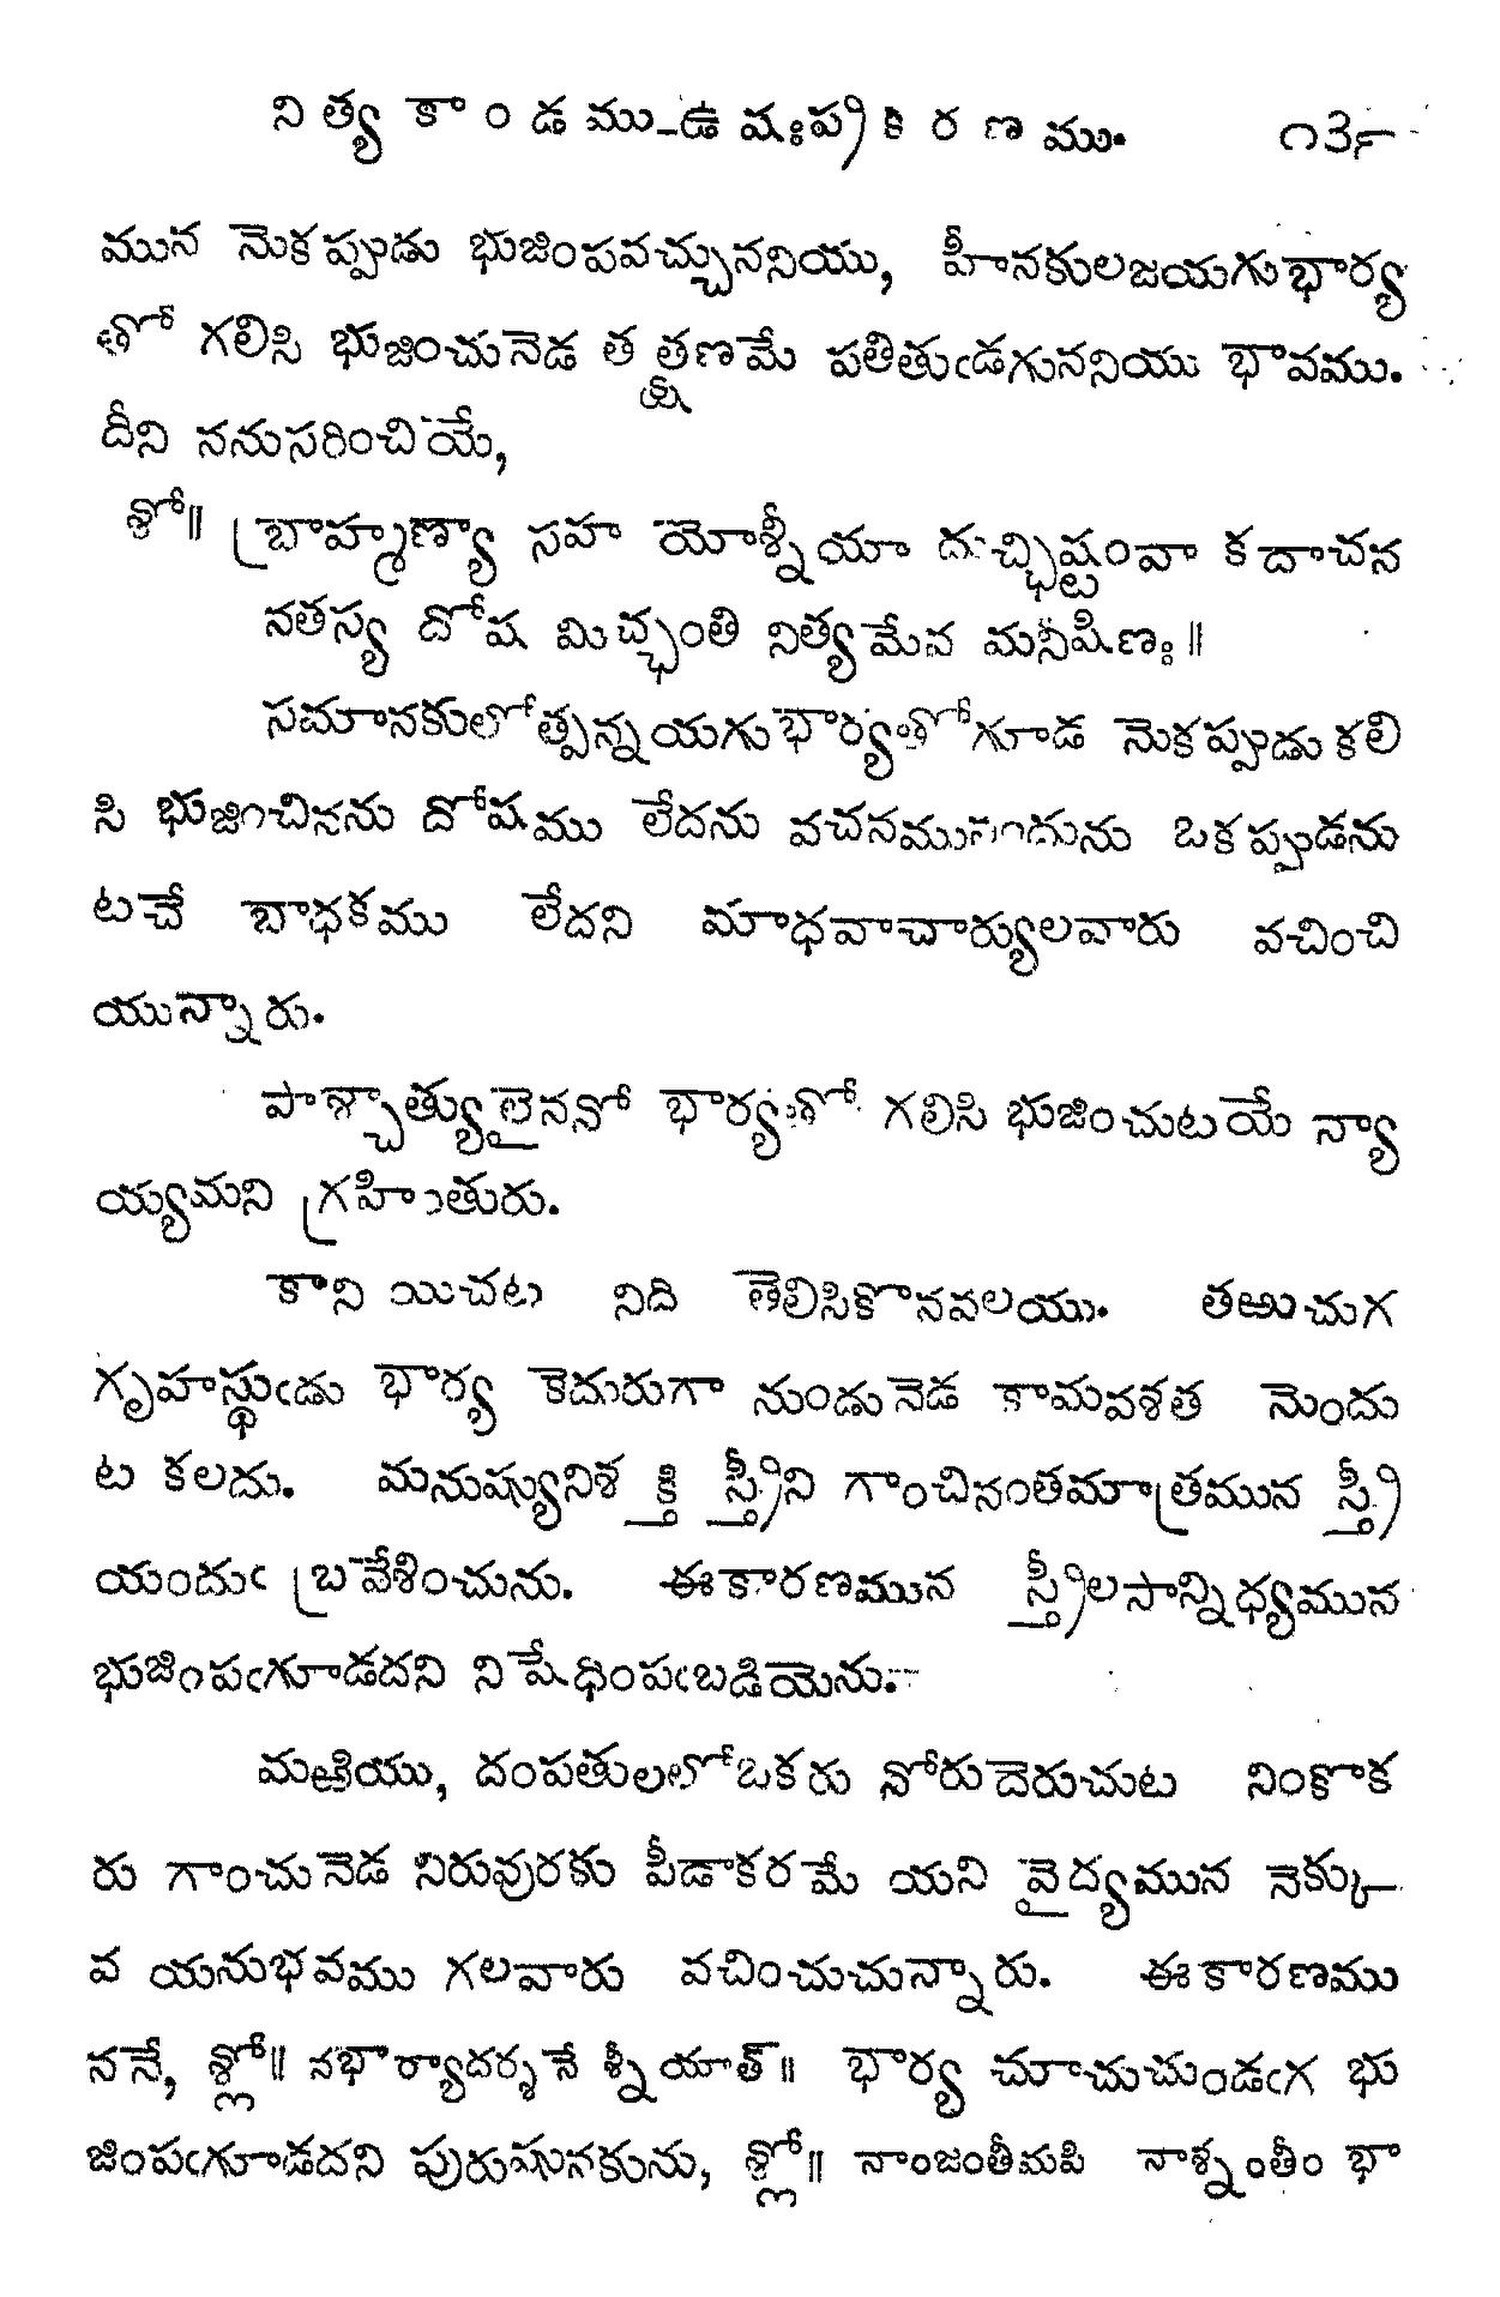మున నొకప్పుడు భుజింపవచ్చుననియు, హీనకులజయగుభార్యతో గలిసి భుజించునెడ తత్క్షణమే పతితుఁడగుననియు భావము. దీని ననుసరించియే,

శ్లో॥ బ్రాహ్మణ్యా సహ యోశ్నీయా దుచ్ఛిష్టంవా కదాచన
 నతస్య దోష మిచ్ఛంతి నిత్యమేవ మనీషిణః॥

సమానకులోత్పన్నయగుభార్యతోగూడ నొకప్పుడు కలిసి భుజించినను దోషము లేదను వచనమునందును ఒకప్పుడనుటచే బాధకము లేదని మాధవాచార్యులవారు వచించి యున్నారు.

పాశ్చాత్యులైననో భార్యతో గలిసి భుజించుటయే న్యాయమని గ్రహింతురు.

కాని యిచట నిది తెలిసికొనవలయు. తఱుచుగ గృహస్థుఁడు భార్య కెదురుగా నుండునెడ కామవశత నొందుట కలదు. మనుష్యునిశక్తి స్త్రీని గాంచినంతమాత్రమున స్త్రీయందుఁ బ్రవేశించును. ఈకారణమున స్త్రీలసాన్నిధ్యమున భుజింపఁగూడదని నిషేధింపఁబడియెను.

మఱియు, దంపతులలో ఒకరు నోరుదెరుచుట నింకొకరు గాంచునెడ నిరువురకు పీడాకరమే యని వైద్యమున నెక్కువ యనుభవము గలవారు వచించుచున్నారు. ఈకారణముననే, శ్లో॥ నభార్యాదర్శనే శ్నీయాత్ ॥ భార్య చూచుచుండఁగ భుజింపఁగూడదని పురుషునకును, శ్లో॥ నాంజంతీమపి నాశ్నంతీం భా